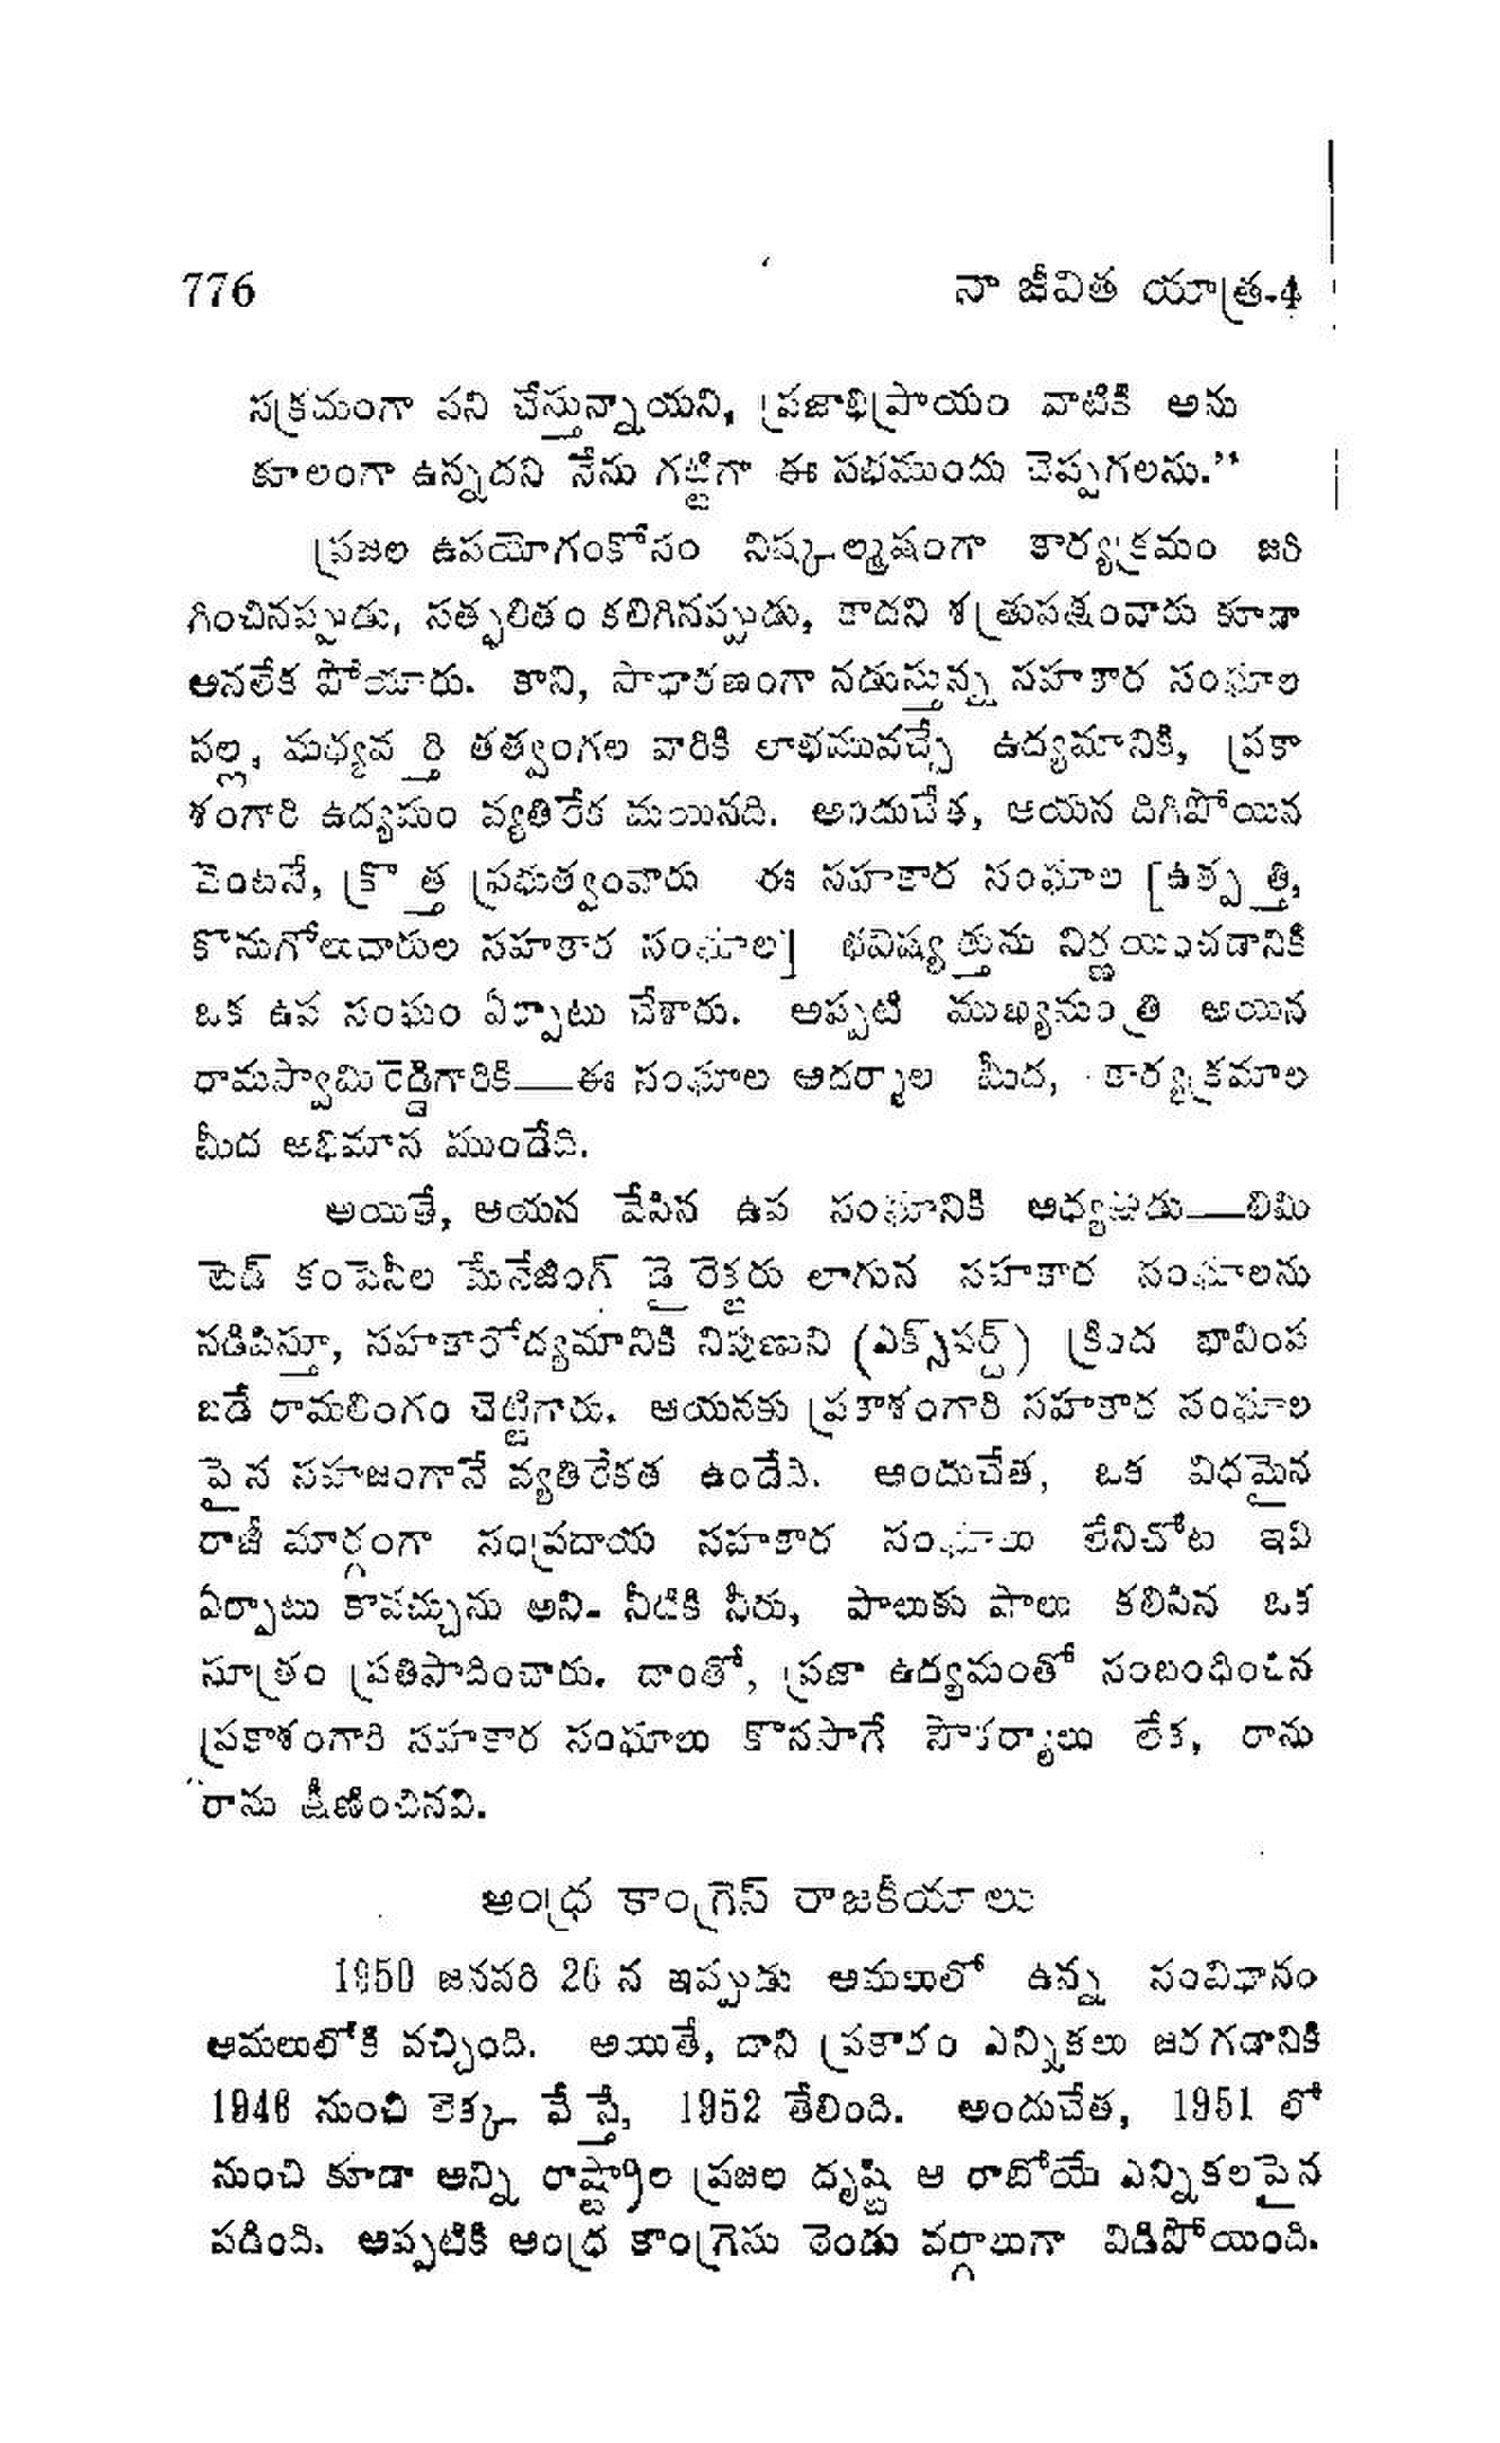సక్రమంగా పని చేస్తున్నాయని, ప్రజాభిప్రాయం వాటికి అనుకూలంగా ఉన్నదని నేను గట్టిగా ఈ సభముందు చెప్పగలను."

ప్రజల ఉపయోగంకోసం నిష్కల్మషంగా కార్యక్రమం జరిగించినప్పుడు, సత్పలితం కలిగినప్పుడు, కాదని శత్రుపక్షంవారు కూడా అనలేక పోయారు. కాని, సాధారణంగా నడుస్తున్న సహకార సంఘాల వల్ల, మధ్యవర్తి తత్వంగల వారికి లాభమువచ్చే ఉద్యమానికి, ప్రకాశంగారి ఉద్యమం వ్యతిరేక మయినది. అందుచేత, ఆయన దిగిపోయిన వెంటనే, క్రొత్త ప్రభుత్వంవారు ఈ సహకార సంఘాల [ఉత్పత్తి, కొనుగోలుదారుల సహకార సంఘాల] భవిష్యత్తును నిర్ణయించడానికి ఒక ఉప సంఘం ఏర్పాటు చేశారు. అప్పటి ముఖ్యమంత్రి అయిన రామస్వామిరెడ్డిగారికి - ఈ సంఘాల ఆదర్శాల మీద, కార్యక్రమాల మీద అభిమాన ముండేది.

అయితే, ఆయన వేసిన ఉప సంఘానికి అధ్యక్షుడు - లిమిటెడ్ కంపెనీల మేనేజింగ్ డైరెక్టరు లాగున సహకార సంఘాలను నడిపిస్తూ, సహకారోద్యమానికి నిపుణుని (ఎక్స్‌పర్ట్) క్రింద భావింపబడే రామలింగం చెట్టిగారు. ఆయనకు ప్రకాశంగారి సహకార సంఘాలపైన సహజంగానే వ్యతిరేకత ఉండేది. అందుచేత, ఒక విధమైన రాజీ మార్గంగా సంప్రదాయ సహకార సంఘాలు లేనిచోట ఇవి ఏర్పాటు కావచ్చును అని - నీటికి నీరు, పాలుకు పాలు కలిసిన ఒక సూత్రం ప్రతిపాదించారు. దాంతో, ప్రజా ఉద్యమంతో సంబంధించిన ప్రకాశంగారి సహకార సంఘాలు కొనసాగే సౌకర్యాలు లేక, రాను రాను క్షీణించినవి.

1950 జనవరి 26 న ఇప్పుడు అమలులో ఉన్న సంవిధానం అమలులోకి వచ్చింది. అయితే, దాని ప్రకారం ఎన్నికలు జరగడానికి 1946 నుంచి లెక్క వేస్తే, 1952 తేలింది. అందుచేత, 1951 లో నుంచి కూడా అన్ని రాష్ట్రాల ప్రజల దృష్టి ఆ రాబోయే ఎన్నికలపైన పడింది. అప్పటికి ఆంధ్ర కాంగ్రెసు రెండు వర్గాలుగా విడిపోయింది.